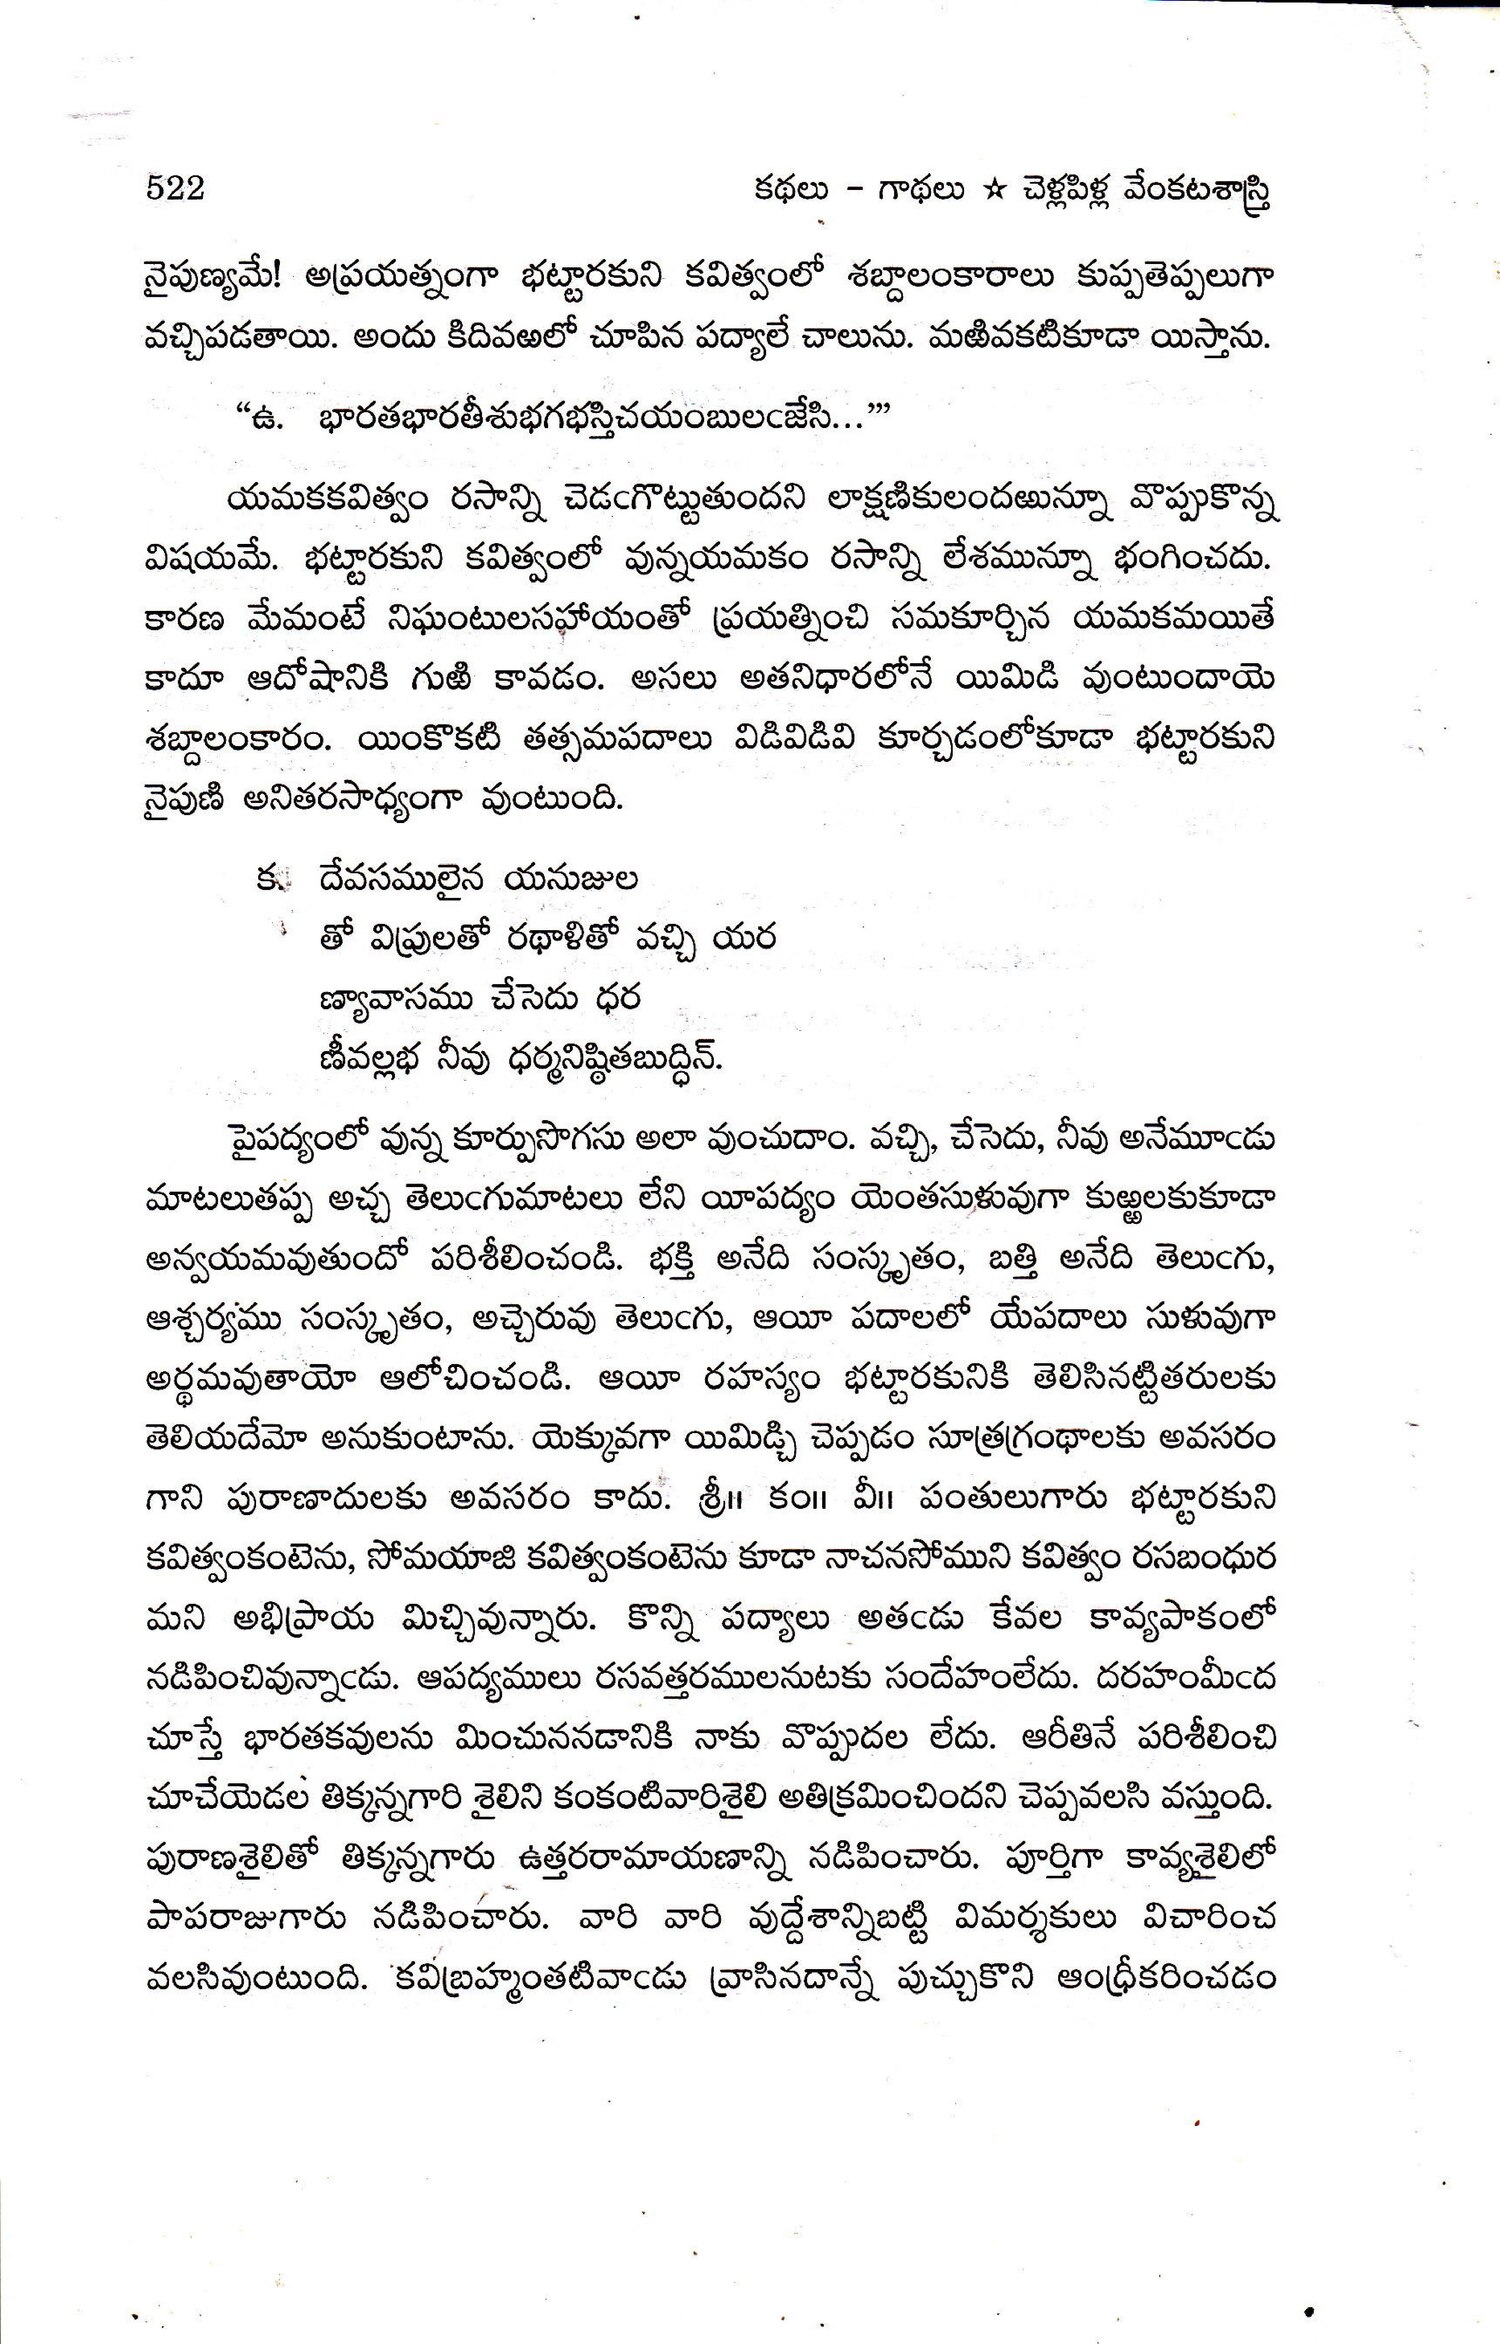నైపుణ్యమే! అప్రయత్నంగా భట్టారకుని కవిత్వంలో శబ్దాలంకారాలు కుప్పతెప్పలుగా వచ్చిపడతాయి. అందు కిదివఱలో చూపిన పద్యాలే చాలును. మఱివకటికూడా యిస్తాను.

"ఉ. భారతభారతీశుభగభస్లిచయంబులఁజేసి."
యమకకవిత్వం రసాన్ని చెడఁగొట్టుతుందని లాక్షణికులందఱున్నూ వొప్పుకొన్న విషయమే. భట్టారకుని కవిత్వంలో వున్నయమకం రసాన్ని లేశమున్నూ భంగించదు. కారణ మేమంటే నిఘంటులసహాయంతో ప్రయత్నించి సమకూర్చిన యమకమయితే కాదూ ఆదోషానికి గుఱి కావడం. అసలు అతనిధారలోనే యిమిడి వుంటుందాయె శబ్దాలంకారం. యింకొకటి తత్సమపదాలు విడివిడివి కూర్చడంలోకూడా భట్టారకుని నైపుణి అనితరసాధ్యంగా వుంటుంది.

క. దేవసములైన యనుజుల
 తో విప్రులతో రథాళితో వచ్చి యర 
 ణ్యావాసము చేసెదు ధర 
 ణీవల్లభ నీవు ధర్మనిష్ఠితబుద్ధిన్
పైపద్యంలో వున్న కూర్పుసాగసు అలా వుంచుదాం. వచ్చి, చేసెదు, నీవు అనేమూఁడు మాటలుతప్ప అచ్చ తెలుఁగుమాటలు లేని యీపద్యం యెంతసుళువుగా కుఱ్ఱలకుకూడా అన్వయమవుతుందో పరిశీలించండి. భక్తి అనేది సంస్కృతం, బత్తి అనేది తెలుఁగు, ఆశ్చర్యము సంస్కృతం, అచ్చెరువు తెలుఁగు, ఆయీ పదాలలో యేపదాలు సుళువుగా అర్థమవుతాయో ఆలోచించండి. ఆయీ రహస్యం భట్టారకునికి తెలిసినట్టితరులకు తెలియదేమో అనుకుంటాను. యెక్కువగా యిమిడ్చి చెప్పడం సూత్రగ్రంథాలకు అవసరం గాని పురాణాదులకు అవసరం కాదు. శ్రీ|| కం|| వీ|| పంతులుగారు భట్టారకుని కవిత్వంకంటెను, సోమయాజి కవిత్వంకంటెను కూడా నాచనసోముని కవిత్వం రసబంధురమని అభిప్రాయ మిచ్చివున్నారు. కొన్ని పద్యాలు అతఁడు కేవల కావ్యపాకంలో నడిపించివున్నాఁడు. ఆపద్యములు రసవత్తరములనుటకు సందేహంలేదు. దరహంమీఁద చూస్తే భారతకవులను మించుననడానికి నాకు వొప్పుదల లేదు. ఆరీతినే పరిశీలించి చూచేయెడల తిక్కన్నగారి శైలిని కంకంటివారిశైలి అతిక్రమించిందని చెప్పవలసి వస్తుంది. పురాణశైలితో తిక్కన్నగారు ఉత్తరరామాయణాన్ని నడిపించారు. పూర్తిగా కావ్యశైలిలో పాపరాజుగారు నడిపించారు. వారి వారి వుద్దేశాన్నిబట్టి విమర్శకులు విచారించ వలసివుంటుంది. కవిబ్రహ్మంతటివాఁడు వ్రాసినదాన్నే పుచ్చుకొని ఆంద్రీకరించడం